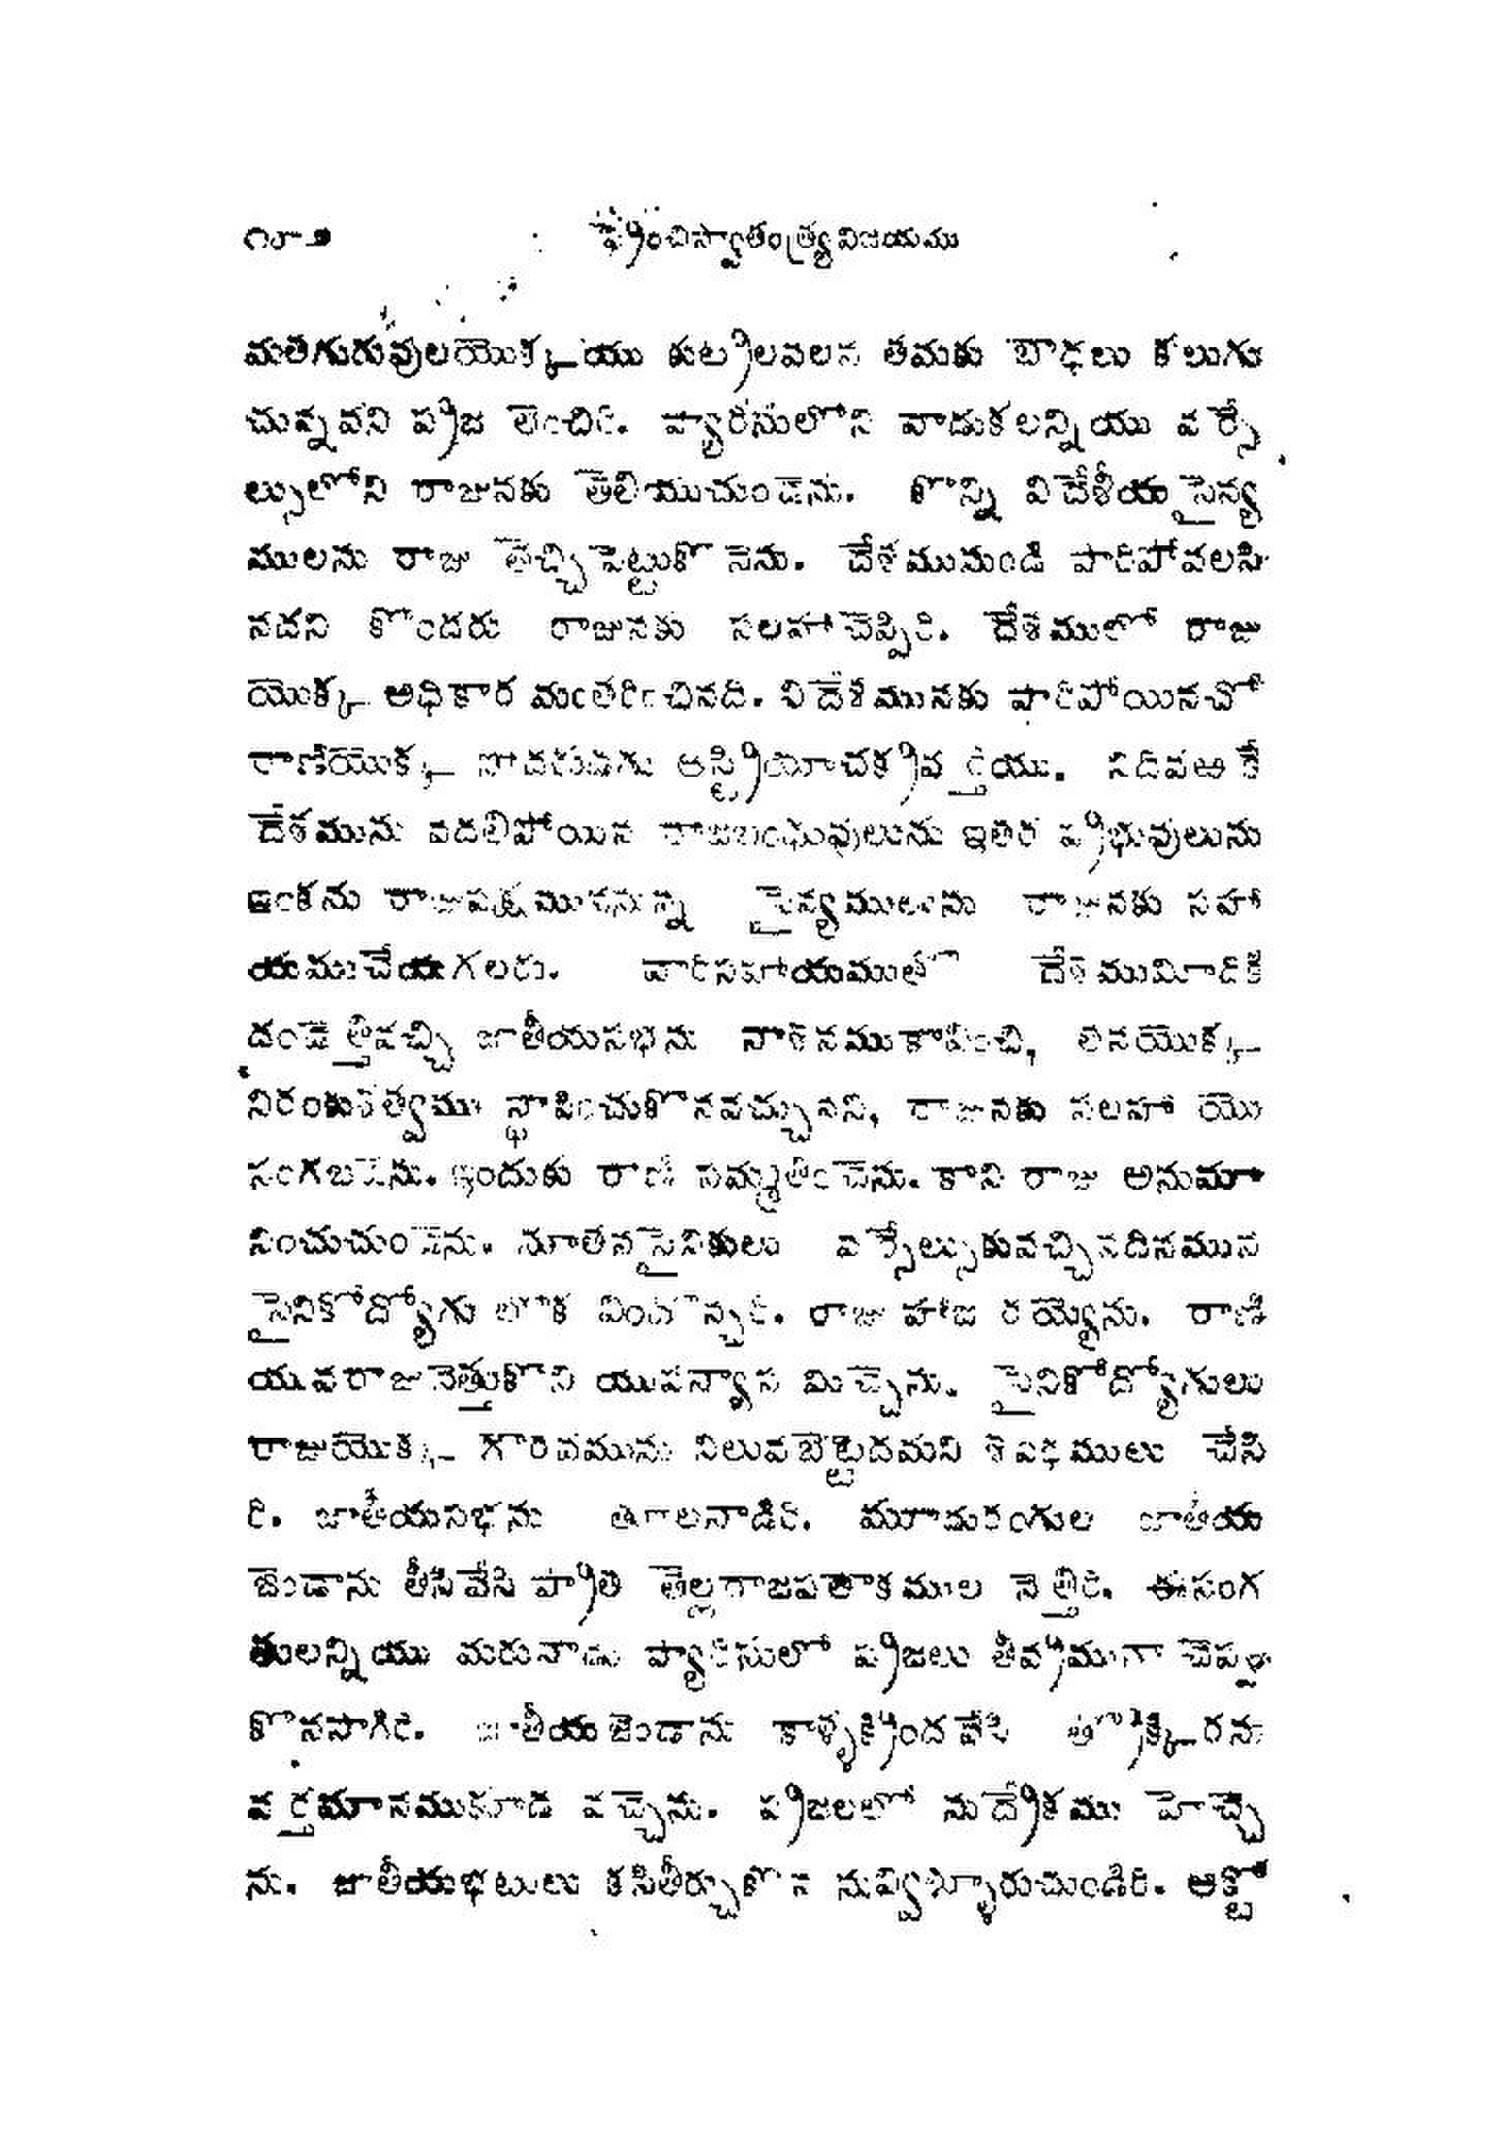మతగురువుల యొక్కయు కుట్రలవలన తమకు బాధలు కలుగు
చున్నవని ప్రజలెంచిరి.. ప్యారీసులోని వాడుక లన్నియు పర్సే
ట్సులోని రాజునకు "తెలి యుచుండెను. కొన్ని విదేశీయ సైన్య
ములను రాజు తెచ్చి పెట్టుకొనెను. దేశమునుండి పారిపోవలసి'
నదని కొందరు రాజునకు సలహా చెప్పిరి. 'దేశములో రాజు
యొక్క అధికార మంతరించినది. విదేశమునకు పారిపోయినచో
రాణియొక్క - సోదరుడగు ఆస్ట్రియాచక్రవర్తి యు. నిదివఱకే
దేశమును వదలి పోయిన - రాజ బందువులును ఇతర ప్రభువులును
ఇంకను రాజు పక్షము నున్న సైన్యములను రాజునకు సహా
యము చేయగలరు. వారి సహాయముతో దేశముమీదికి
దండెత్తి వచ్చి జాతీయసభను నాశనము కావించి, తన యొక్క, --
నిరంకుత్వము స్థాపించుకొన వచ్చునని, రాజునకు సలహాయొ
సంగబడెసు. ఇందుకు రాజు సమ్మతించెను. కాని రాజు అనుమా
నించుచుండెను . నూతన సైనికులు వేసేల్సుకు వచ్చిన దినమున
సైనికోద్యోగు లొక విందొనర్చిరి. రాజు హాజరయ్యెను. రాణి
యువరాజు నెత్తుకొని యుపన్యాస మిచ్చెను. సైనికోద్యోగులు
రాజుయొక్క గౌరవమును నిలువబెట్టదమని శపదములు చేసిరి
జాతీయసభను తూలనాడిరి. మూడురంగుల జాతీయ
జెండాను తీసి వేసి ప్రాత తెల్ల రాజపతాక ముల నెత్తిరి. ఈ సంగ
తులన్నియు మరునాడు ప్యారిసులో ప్రజలు తీవ్రముగా చెప్పు
కొనసాగిరి. -జాతీయ జెండాను కాళ్ళకింద వేసితొక్కిరను
వర్తమానముకూడ వచ్చెను. ప్రజలలో నుద్రేకము హెచ్చ
ను. జూతీయభటులు కసితీర్చుకుని నువ్విళ్ళూరు చుండిరి. ఆక్టో